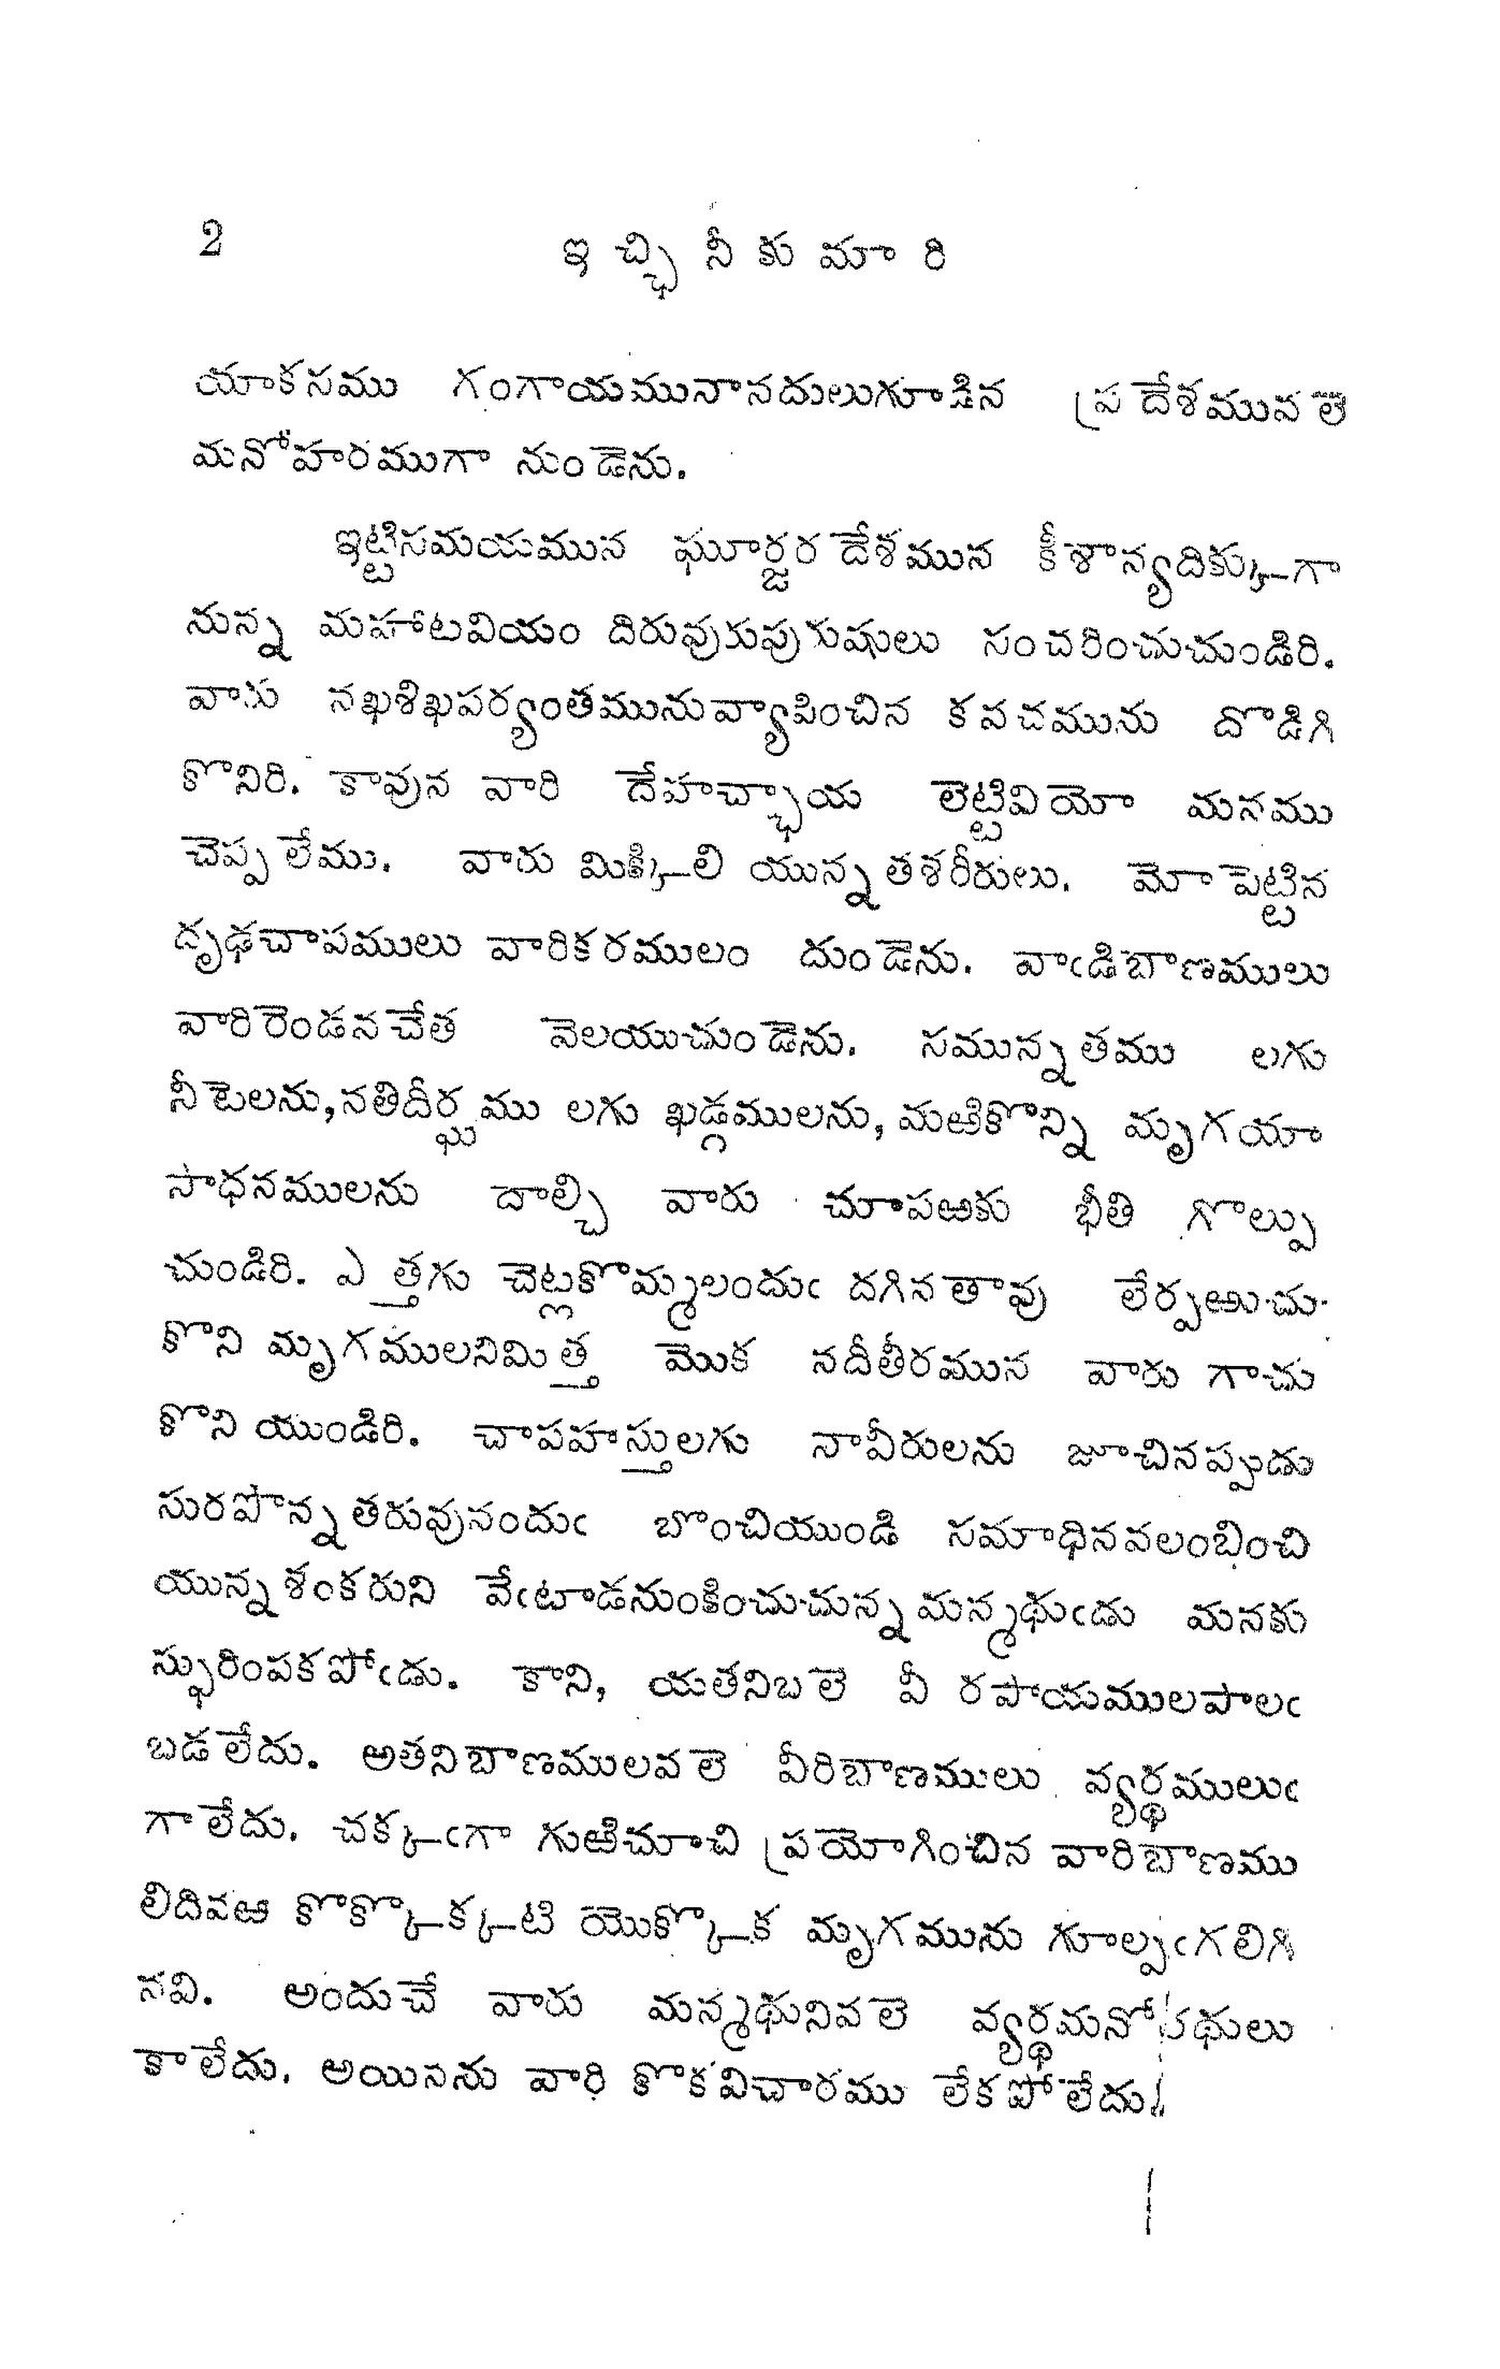యాకసము గంగాయమునానదులుగూడిన ప్రదేశమువలే మనోహరముగా నుండెను.

ఇట్టిసమయమున ఘూర్జరదేశమున కీశాన్యదిక్కుగా నున్న మహాటవియం దిరువురుపురుషులు సంచరించుచుండిరి. వారు నఖశిఖపర్యంతమును వ్యాపించిన కవచమును దొడిగికొనిరి. కావున నారి దేహచ్ఛాయ లెట్టివియో మనము చెప్పలేము. వారు మిక్కిలి యున్నతశరీరులు. మోపెట్టిన దృఢచాపములు వారికరములం దుండెను. వాఁడిబాణములు వారిరెండవచేత వెలయుచుండెను. సమున్నతములగు నీటెలను, నతిదీర్ఘము లగు ఖడ్గములను, మఱికొన్ని మృగయాసాధనములను దాల్చి వారు చూపఱకు భీతి గొల్పుచుండిరి. ఎత్తగు చెట్లకొమ్మలందుఁ దగినతావు లేర్పఱుచుకొని మృగములనిమిత్త మొకనదీతీరమున వారు గాచుకొని యుండిరి. చాపహస్తులగు నావీరులను జూచినప్పుడు సురపొన్నతరువునందుఁ బొంచియుండి సమాధినవలంబించి యున్నశంకరుని వేఁటాడనుంకించుచున్న మన్మథుఁడు మనకు స్ఫురింపకపోఁడు. కాని, యతనిబలె వీ రపాయములపాలఁ బడలేదు. అతని బాణములవలె వీరిబాణములు , వ్యర్థములుఁ గాలేదు. చక్కఁగా గుఱిచూచి ప్రయోగించిన వారి బాణము లిదివఱ కొక్కొక్కటి యొక్కొక మృగమును గూల్పఁగలిగినవి. అందుచే వారు మన్మథునివలె వ్యర్థమనోరథులు కాలేదు. అయినను వారి కొకవిచారము లేకపోలేదు.